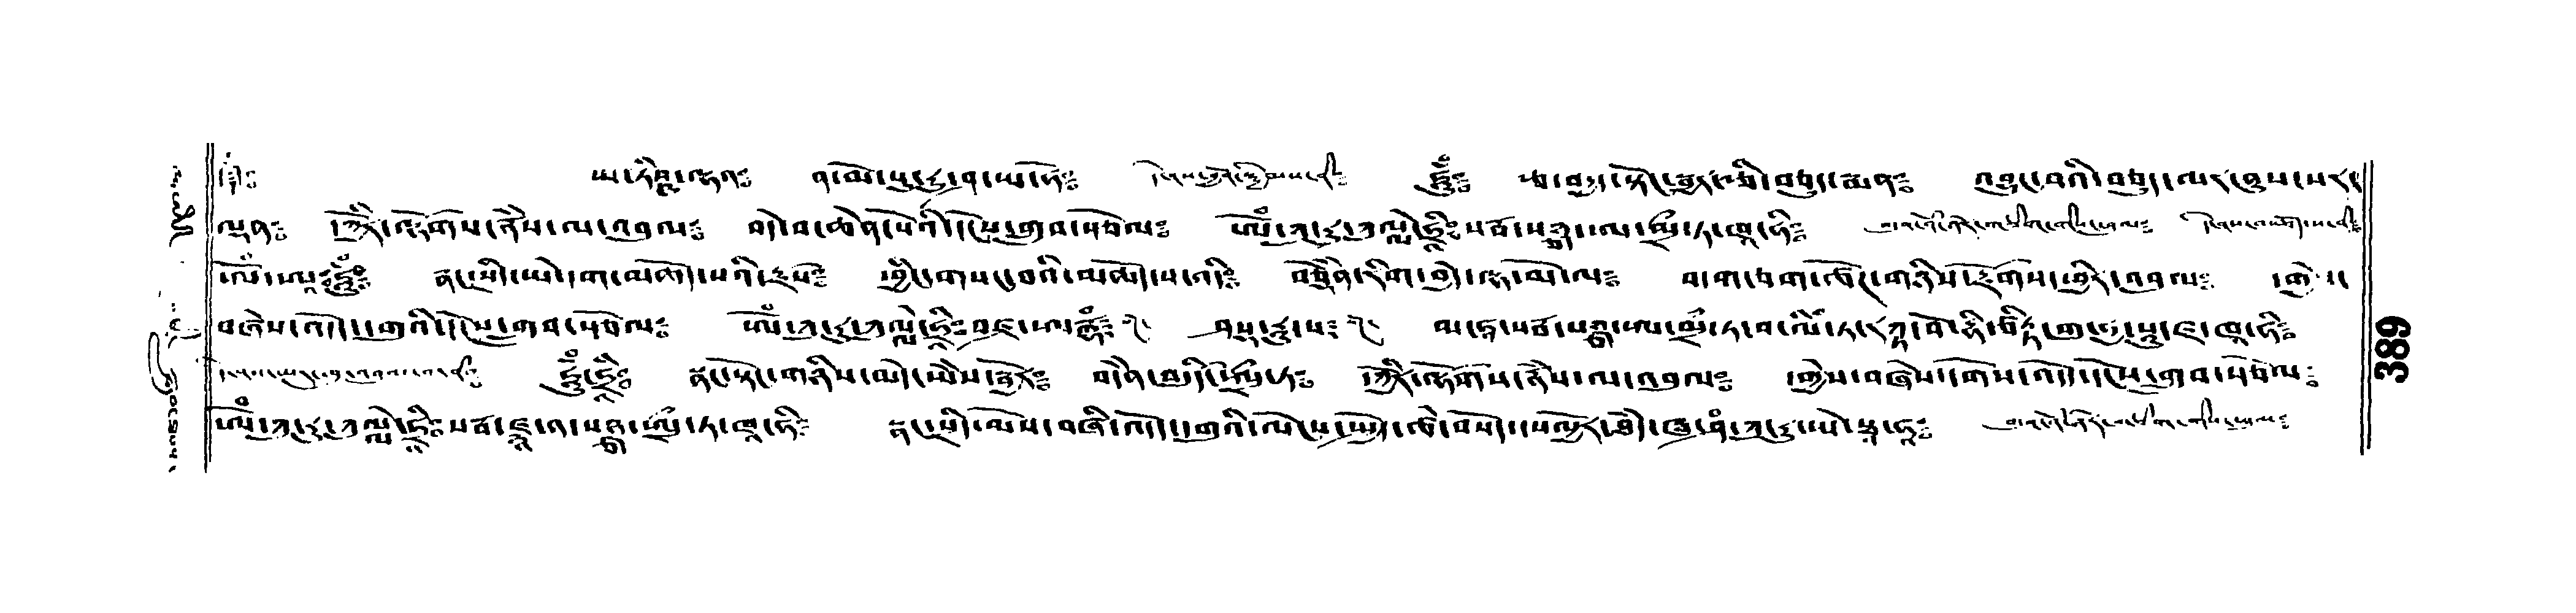ཡ་ཏིཥྛ་ལྷན༔ ན་མོ་པུ་རུ་ཤ་ཡ་ཧོཿ དེ་ནས་བྱོན་སྐྱེམས་ནི༔ ཧཱུྃ༔ རྩ་བརྒྱད་སྟོང་སྦྱར་རྩི་བཅུད་སྨན༔ འབྱུང་བའི་བཅུད་མར་ནུས་པར་
ལྡན༔ དཀྱིལ་འཁོར་ལྷ་ཚོགས་རྣམས་ལ་འབུལ༔ བདེ་བ་ཆེན་པོའི་དངོས་གྲུབ་སྩོལ༔ ཨོཾ་ཀུ་རུ་ཀུལླེ་ཧྲཱིཿསརྦ་པཉྩ་ཨ་མྲྀ་ཏ་ཁཱ་ཧིཿ བདུན་ནམ་ཉེར་གཅིག་གིས་ཕུལ༔ དེ་ནས་མཆོད་པ་ནི༔ 
ཨོཾ་ཨཱཿཧཱུྃ༔ སྣང་སྲིད་ཡེ་དག་མཆོད་པའི་རྫས༔ ཕྱི་ནང་གསང་བའི་མཆོད་པ་འདི༔ བཅོམ་ལྡན་རིག་བྱེད་ལྷ་མོ་ལ༔ བདག་ཅག་ཚོགས་གཉིས་རྫོགས་ཕྱིར་འབུལ༔ དགྱེས་
བཞེས་འདོད་དགུའི་དངོས་གྲུབ་སྩོལ༔ ཨོཾ་ཀུ་རུ་ཀུལླེ་ཧྲཱིཿབཛྲ་ཨརྒྷཾ་སོགས༔ ཤཔྡ་རཱུ་པ་སོགས༔ མ་ཧཱ་སརྦ་པཉྩ་ཨ་མྲྀ་ཏ་བ་ལིཾ་ཏ་རཀྟ་བོ་དྷི་ཙིཏྟ་གུ་ཧྱ་པཱུ་ཛ་ཁཱ་ཧིཿ 
དེ་ནས་མར་ཁུ་འབུལ་བ་ནི༔ ཧཱུྃ་ཧྲཱིཿ སྣང་སྟོང་གཉིས་མེད་ཡེ་ཤེས་སྦྱོར༔ བདེ་ཆེན་བདུད་རྩི་ཨ་མྲྀ་ཏ༔ དཀྱིལ་འཁོར་ལྷ་ཚོགས་རྣམས་ལ་འབུལ༔ དགྱེས་བཞེས་དགོས་འདོད་དངོས་གྲུབ་སྩོལ༔ 
ཨོཾ་ཀུ་རུ་ཀུལླེ་ཧྲཱིཿསརྦ་ཛྙཱ་ན་པཉྩ་ཨ་མྲྀ་ཏ་ཁཱ་ཧིཿ སྣང་སྲིད་མོས་བཞི་འདོད་དགུའི་ལོངས་སྤྱོད་ཚེ་བསོད་དཔལ་འབྱོར་ཐམས་ཅད་ཝ་ཤཾ་ཀུ་རུ་ཡེ་སྭཱ་ཧཱཿབདུན་ནམ་ཉེར་གཅིག་གིས་ཕུལ༔